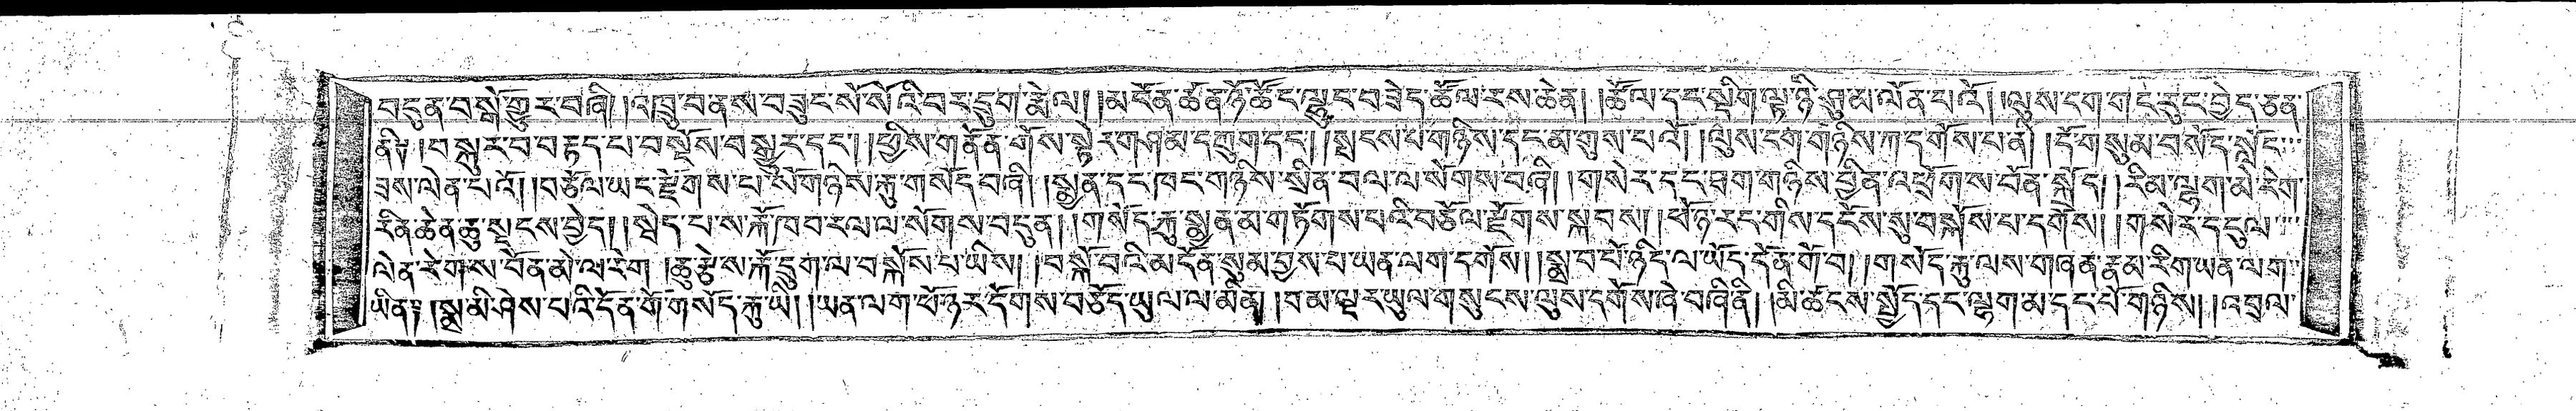བདུན་བསྒོ་གྱུར་བཞི། །འཁྲུ་བ་ནས་བཟུང་སོ་སོའི་བར་དྲུག་རྨེལ། །མངོན་ཚན་ཉོ་ཚོང་ལྷུང་བཟེད་ཚོལ་རས་ཆེན། །ཚོལ་དང་སྡིག་ལྟ་ཉི་ཤུ་མ་ལོན་པའོ། །ལུས་ངག་གང་རུང་བྱེད་ཅན་
ནི༑ །བསྐུར་བ་བརྟད་པ་བསྔོས་བསྒྱུར་དང་། །ཕྱིས་གནོན་གོས་སྟེར་གཤམ་དཀྲུག་དང་། །སྤངས་པ་གཉིས་དང་མ་གུས་པའོ། །ལུས་ངག་གཉིས་ཀ་དགོས་པ་ནི། །དོ་གསུམ་བསོད་སློང་
ཟས་ལེན་པའོ། །བཅོལ་ཡང་རྫོགས་པ་སོ་གཉིས་རྐུ་གསོད་བཞི། །སྨྱན་དང་ཁང་གཉིས་སྲིན་བལ་ལ་སོགས་བཞི། །གསེར་དང་ཐག་གཉིས་བྱིན་འཕྲོག་ས་བོན་སྐྲོད། །རིམ་ལྷག་མེ་རེག་
རིན་ཆེན་ཆུ་སྔངས་བྱེད། །སྦེད་པ་ས་རྐོ་ཁབ་རལ་ལ་སོགས་བདུན། །གསོད་རྐུ་སྨྱན་མ་གཏོགས་པའི་བཅོལ་རྫོགས་སྐབས། །ཕོ་ཉ་རང་གིས་དངོས་སུ་བསྐོས་པ་དགོས། །གསེར་དངུལ་
ལེན་རེག་ས་བོན་མེ་ལ་རེག །ཆུ་རྩེ་ས་རྐོ་དྲུག་ལ་བསྐོས་པ་ཡིས། །བསྐོ་བའི་མངོན་སུམ་བྱས་པ་ཡན་ལག་དགོས། །སྨྲ་བ་པོ་ཉིད་ལ་ཡོད་དོན་གོ་བ། །གསོད་རྐུ་ལས་གཞན་རྣམ་རིག་ཡན་ལག་
ཡིན༑ །སྨྲ་མི་ཤེས་པའི་དོན་གོ་གསོད་རྐུ་ཡི། །ཡན་ལག་ཕོ་ཉར་དོགས་བཅོད་ཡུལ་ལ་མིན། །བམ་ལྔར་ཡུལ་གསུངས་ལུས་དགོས་ཞེ་བཞི་ནི། །མི་ཚངས་སྤྱོད་དང་ལྷག་མ་དང་པོ་གཉིས། །འབྲལ་